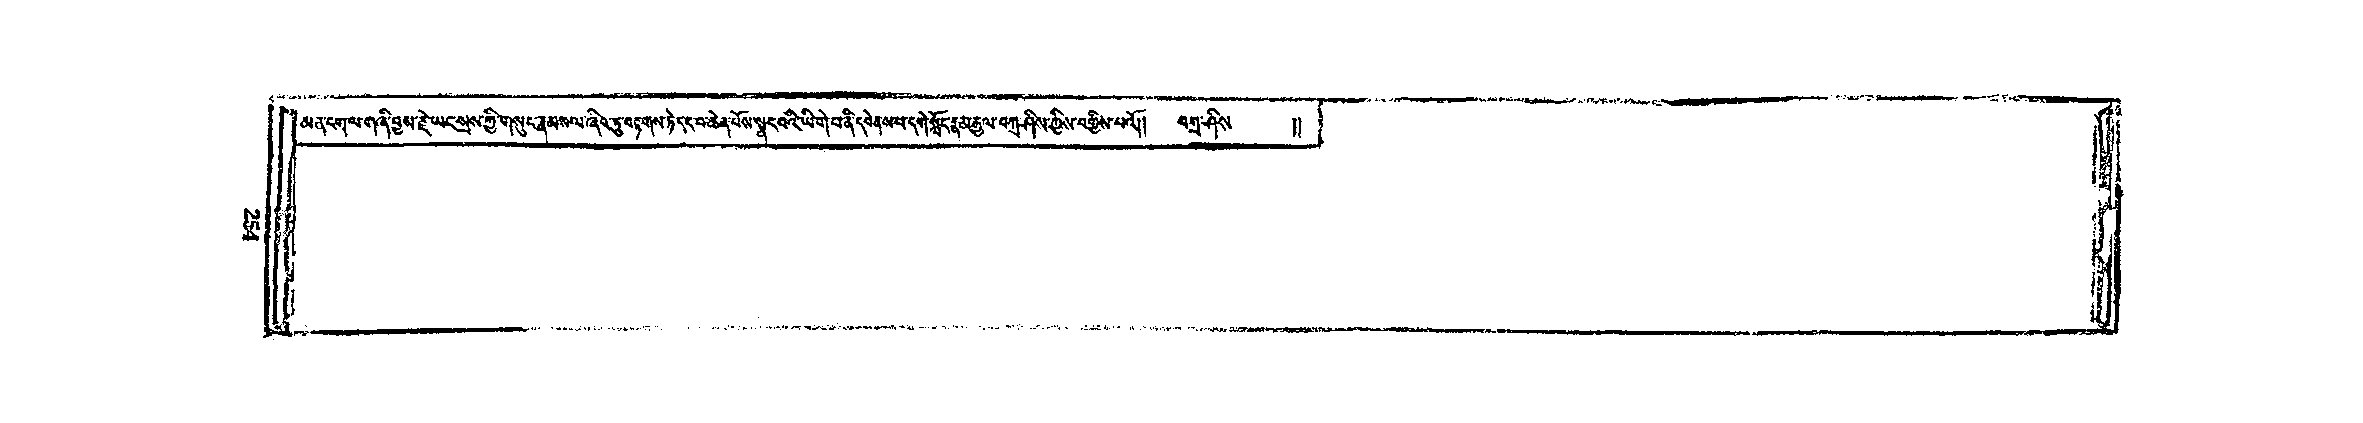མན་ངག་ལ་གཞི་བྱས་རྗེ་ཡང་སྲས་ཀྱི་གསུང་རྣམས་ལ་ཞིབ་ཏུ་བརྟགས་ཏེ་དང་བ་ཆེན་པོས་སྣང་བའི་ཡི་གེ་བ་ནི་དབེན་ས་པ་དགེ་སློང་རྣམ་རྒྱལ་བཀྲ་ཤིས་ཀྱིས་བགྱིས་པའོ།། བཀྲ་ཤིས།།